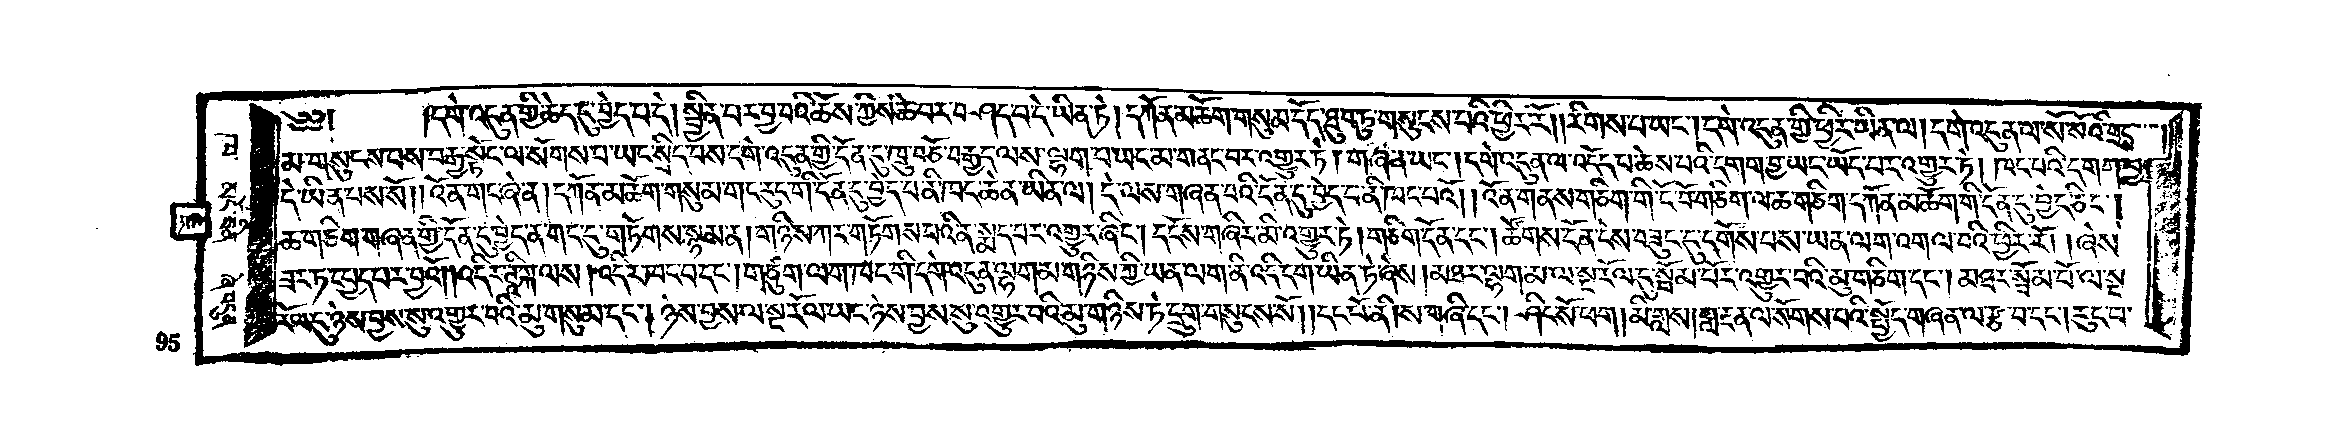༄༅། །དགེ་འདུན་གྱི་ཆེད་དུ་བྱེད་པ་དེ། སྦྱིན་པར་བྱ་བའི་ཆོས་ཀྱིས་ཆེ་བར་བཤད་པ་དེ་ཡིན་ཏེ། དཀོན་མཆོག་གསུམ་དོད་ཐུབ་ཏུ་གསུངས་པའི་ཕྱིར་རོ། །རིགས་པ་ཡང་། དགེ་འདུན་གྱི་ཕྱིར་ཡིན་ལ། དགེ་འདུན་ལ་སོ་སོའི་བྲངས་
མ་གསུངས་པས་བརྒྱ་སྟོང་ལ་སོགས་པ་ཡང་སྲིད་པས་དགེ་འདུན་གྱི་དོན་དུ་ཁྲུ་བཅོ་བརྒྱད་ལས་ལྷག་པ་ཡང་མ་གནང་བར་འགྱུར་ཏེ། གཞན་ཡང་། དགེ་འདུན་ལ་འདོད་པ་ཆེས་པའི་དགག་བྱ་ཡང་ཡོད་པར་འགྱུར་ཏེ། ཁང་པའི་དགག་བྱ་
དེ་ཡིན་པས་སོ། །འོ་ན་གང་ཞེ་ན། དཀོན་མཆོག་གསུམ་གང་རུང་གི་དོན་དུ་བྱེད་པ་ནི་ཁང་ཆེན་ཡིན་ལ། དེ་ལས་གཞན་པའི་དོན་དུ་བྱེད་པ་ནི་ཁང་པའོ། །འོ་ན་གནས་གཅིག་གི་ངོ་བོ་གཅིག་ལ་ཆ་གཅིག་དཀོན་མཆོག་གི་དོན་དུ་བྱེད་ཅིང་།
ཆ་གཅིག་གཞན་གྱི་དོན་དུ་བྱེད་ན་གང་དུ་གཏོགས་སྙམ་ན། གཉིས་ཀར་གཏོགས་པའི་ན་སྨད་པར་འགྱུར་ཞིང་། དངོས་གཞིར་མི་འགྱུར་ཏེ། གཅིག་དོན་དང་། ཚོགས་དོན་ངེས་བཟུང་དུ་དགོས་པས་ཡན་ལག་འགལ་བའི་ཕྱིར་རོ། །ཞེས་
ཟར་ཏ་དཔྱད་པར་བྱའོ། །འདིར་ཊཱིཀྐ་ལས། འདིར་ཁང་པ་དང་། གཙུག་ལག་ཁང་གི་དགེ་འདུན་ལྷག་མ་གཉིས་ཀྱི་ཡན་ལག་ནི་འདི་དག་ཡིན་ཏེ་ཞེས། མཐར་ལྷག་མ་ལ་སྔ་རོལ་དུ་སྦོམ་པོར་འགྱུར་བའི་མུ་གཅིག་དང་། མཐར་སྦོམ་པོ་ལ་སྔ་
རོལ་དུ་ཉེས་བྱས་སུ་འགྱུར་བའི་མུ་གསུམ་དང་། ཉེས་བྱས་ལ་སྔ་རོལ་ཡང་ཉེས་བྱས་སུ་འགྱུར་བའི་མུ་གཉིས་ཏེ་དྲུག་གསུངས་སོ། །དང་པོ་ནི། ས་གཞི་དང་། ཤིང་སོ་ཕག །མི་གླས། གླ་རྔན་ལ་སོགས་པའི་སྤྱོད་གཞན་ལ་རྩ་བ་དང་། རུང་བ་